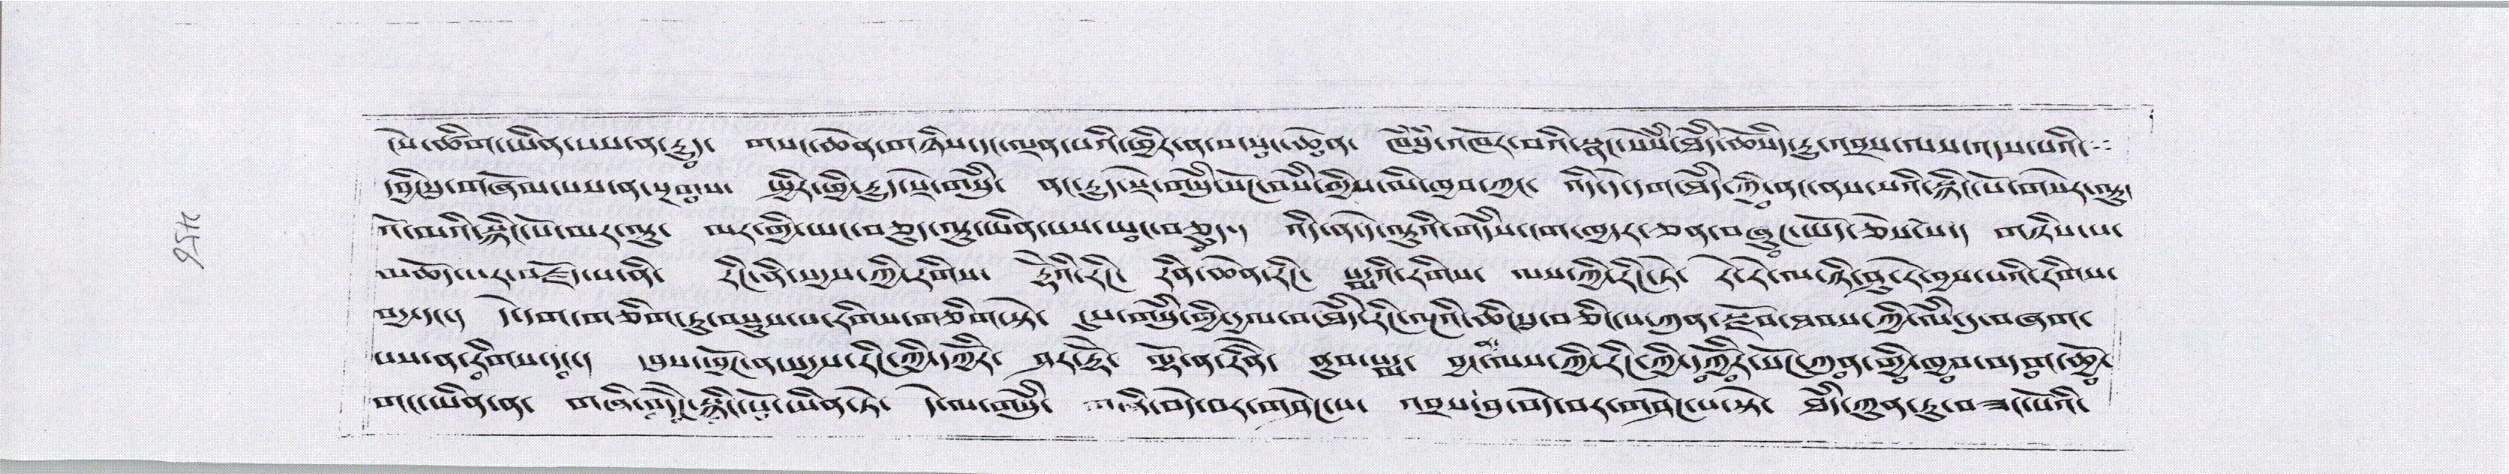ངེས་ཚིག་ཡིན་པས་ན་རྒྱུད། གསང་ཆེན་གཉིས་དང་ལྡན་པའི་ཕྱིར་ན་གསང་ཆེན། ཁམས་གསུམ་འཁོར་བའི་སྣང་སེམས་ཐམས་ཅད་ཆོས་ཉིད་རྒྱུ་འབྲས་ལས་འདས་པའི་
དབྱིངས་སུ་གཞོམ་པས་ན་སྔགས། སྤྱིར་ཕྱི་རྒྱུད་སྡེ་གསུམ། ནང་རྒྱུད་སྡེ་གསུམ་སོགས་བསམ་གྱིས་མི་ཁྱབ་ཀྱང་། འདི་དེ་དག་ཐམས་ཅད་ཀྱི་ནང་ནས་སའི་སྙིང་པོ་གསེར་ལྟ་བུ་
འོ་མའི་སྙིང་པོ་མར་ལྟ་བུ། མར་གྱི་ཡང་བཅུད་ལྟ་བུ་ཡིན་པས་ཡང་བཅུད། འདི་ན་དེ་ལྟ་བུའི་གདམས་ངག་ཁྱད་པར་ཅན་བཞུགས་ཡོད་ཅེས་སོ། གཉིས་པ་
མཆོད་པར་བརྗོད་པ་ནི། རིགས་ནི་སངས་རྒྱས་ཀྱི་རིགས། རྡོ་རྗེའི་རིགས། རིན་ཆེན་རིགས། པདྨའི་རིགས། ལས་ཀྱི་རིགས་ཏེ། རེ་རེ་ལ་ཉི་ཤུ་རེ་བྱས་པའི་རིགས་
བརྒྱ་དང་། དེ་དག་གཅིག་ཏུ་བསྡུས་པ་རིགས་གཅིག་ཏེ། དུས་གསུམ་གྱི་རྒྱལ་བ་ཐམས་ཅད་རིགས་ལྔའི་ཆིངས་སུ་བཅིང་པ་ཀུན་རྫོབ་ཐབས་ཀྱི་ལམ་དུ་བཞག་
པས་རིགས་དང་། དབུས་ཕྱོགས་ན་སངས་རྒྱས་རིགས་ཀྱི་དཀྱིལ་འཁོར། ཤར་རྡོ་རྗེ། ལྷོ་ན་རིན་ཆེན། ནུབ་པདྨ། བྱང་ན་ལས་ཀྱི་རིགས་ཀྱི་དཀྱིལ་འཁོར་སོགས་ཀུན་གྱི་ཁྱབ་བདག་མཆོག་
གང་ཡིན་ན། གཞི་བདེར་གཤེགས་སྙིང་པོ་ཡིན་ཏེ། དེ་ལ་གསུམ། གཞི་བདེ་བར་གཤེགས་པ། འབྲས་བུ་བདེ་བར་གཤེགས་པ་སྟེ། ཐམས་ཅད་ཀུན་ཏུ་བཟང་པོའི་